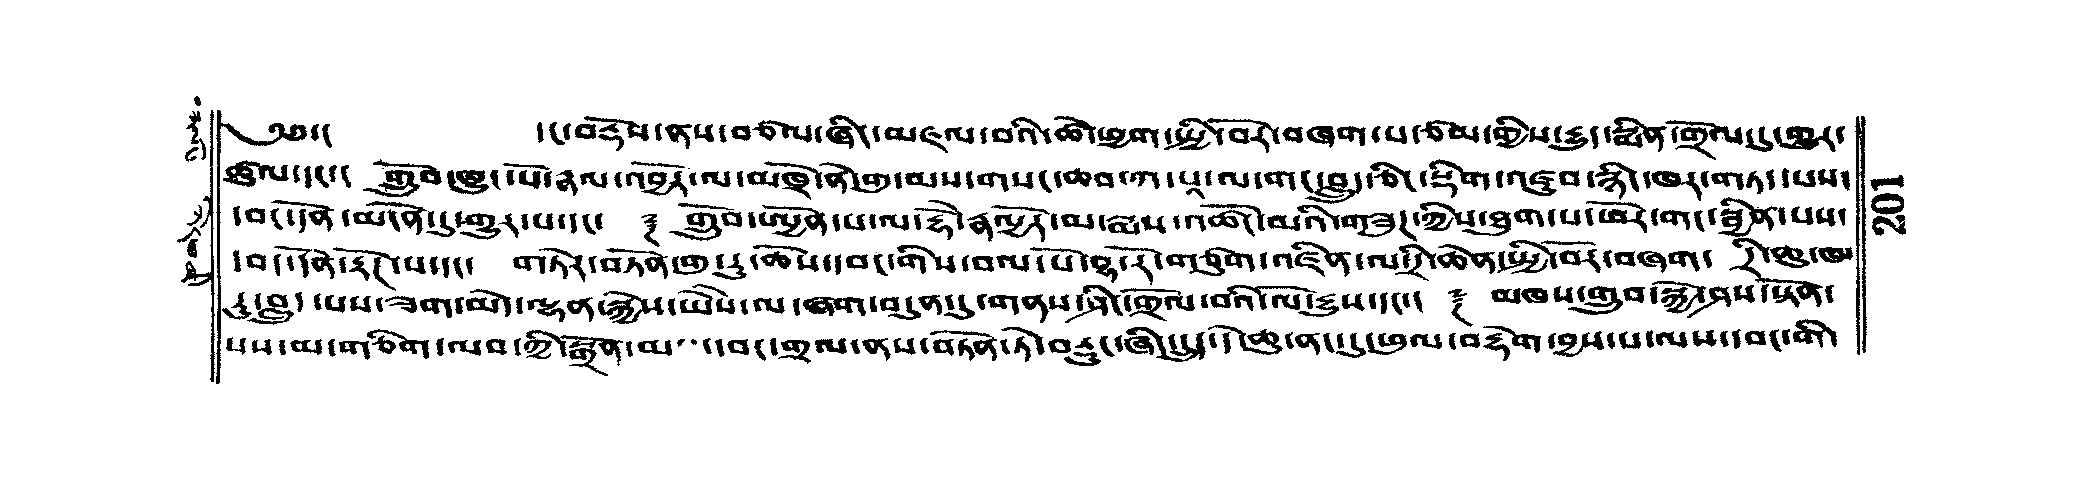དང་བརྡོས་ནས་བཙལ་ཞིང་འཇལ་བའི་ཚེ་ཕྱག་སྤྱི་བོར་བཞག་པ་ཙམ་གྱིས་རྒྱུད་སྨིན་གྲོལ་དུ་གྱུར་
ཚུལ་དང་། གྲུབ་ཐོབ་ཁྱུང་པོ་རྣལ་འབྱོར་ལ་མཁའ་འགྲོ་ནེ་དགུ་མས་གསང་ཆབ་ཀ་པཱ་ལ་གང་བླུད་ཅིང་སྡིགས་འཛུབ་སྙིང་ཁར་གཏད་པས་
དབང་དོན་མངོན་དུ་གྱུར་པ་དང་། གྲུབ་ཐོབ་ཨོ་རྒྱན་པ་ལ་རྡོ་རྗེ་རྣལ་འབྱོར་མ་སྨད་འཚོང་མའི་གཟུགས་ཀྱིས་ཐུག་པ་ཕོར་གང་སྦྱིན་པས་
དབང་དོན་རྟོགས་པ་དང་། གཏེར་གཏོན་གུ་རུ་ཆོས་དབང་གིས་བལ་པོ་བྷ་རོ་གཙུག་འཛིན་ལ་དྲི་ཆེན་སྤྱི་བོར་བཞག དྲི་ཆུ་ཁ་
རུ་བླུད་པས་ཟག་མེད་ལྷན་སྐྱེས་ཡེ་ཤེས་ལ་ཞག་བདུན་དུ་གནས་ཤིང་གྲོལ་བའི་ལོ་རྒྱུས་དང་། མཁས་གྲུབ་སྐྱོ་ཤས་སྟོན་
པས་མ་གཅིག་ལབ་ཀྱི་སྒྲོན་མ་དབང་གྲལ་ནས་བཏོན་ཏེ་བརྡུང་ཞིང་དྲུད་དེ་ཆུ་ནང་དུ་ཕུལ་བརྡེག་བྱས་པ་ལས་དབང་གི་